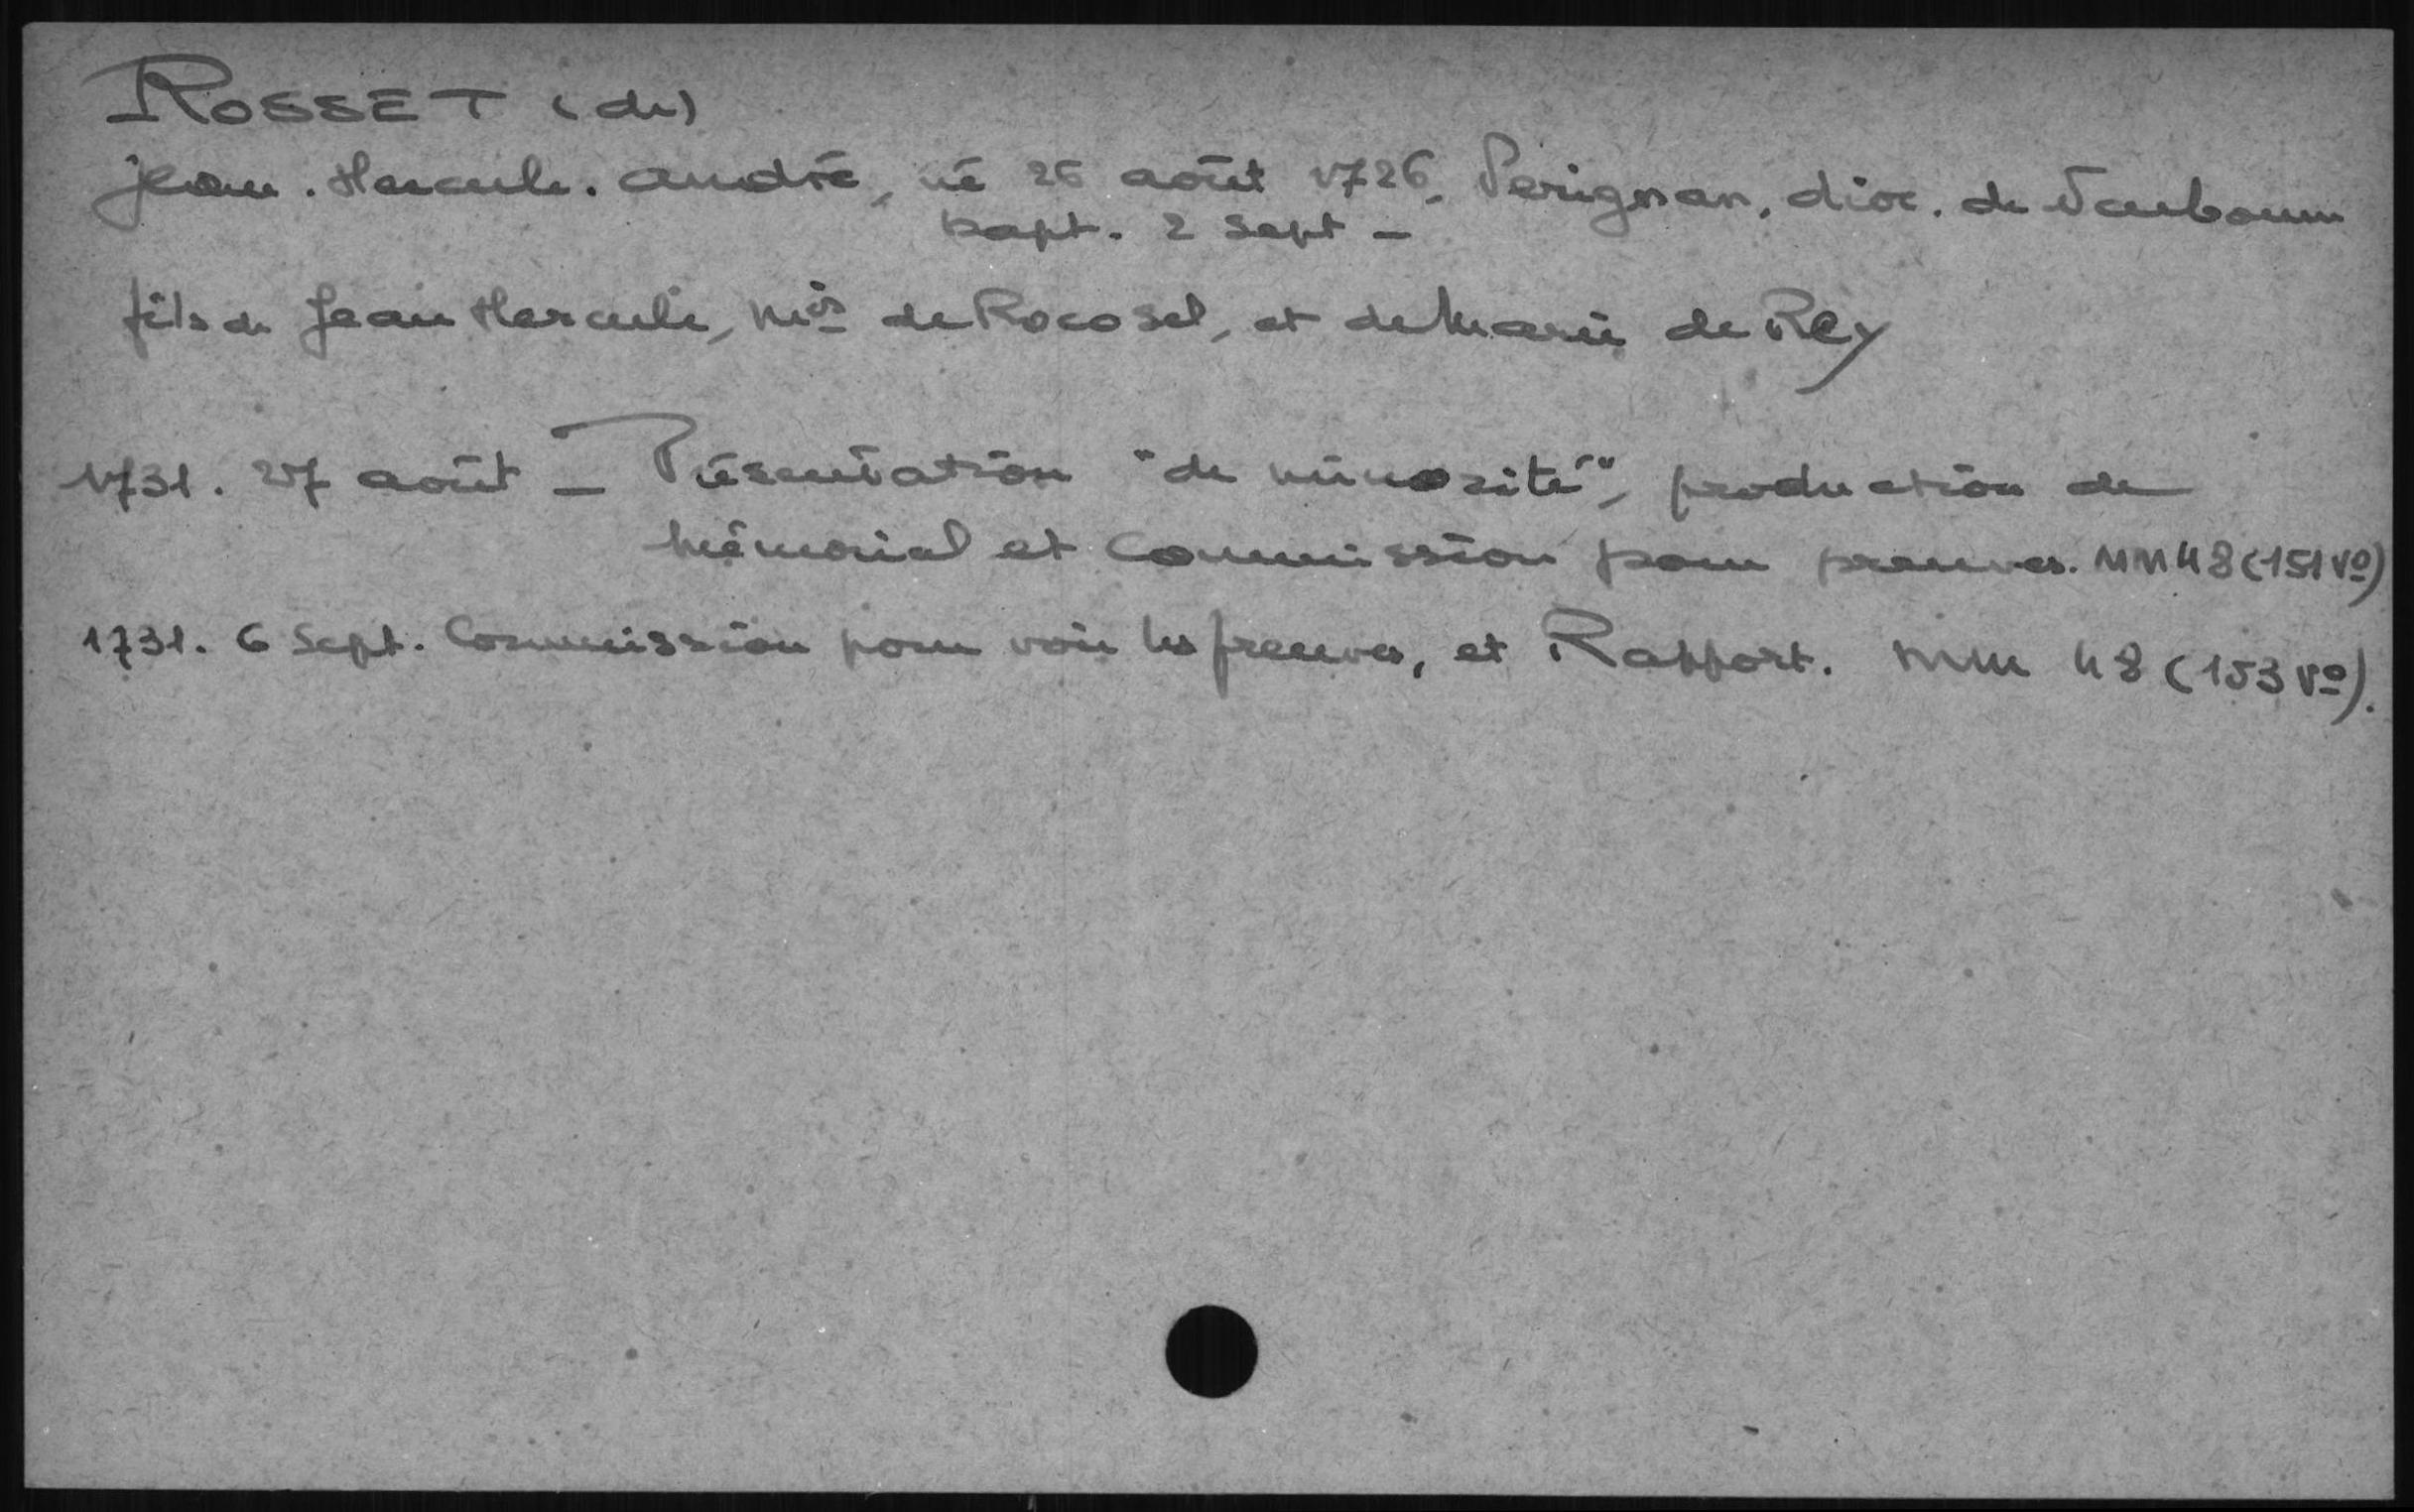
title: ROSSET (de) Jean, Hercule, André, né 26 août 1726 baptisé 2 septembre, Pérignan, diocèse de Narbonne, fils de Jean Hercule, marquis de Rocosel, et de Marie de Rey
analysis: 1731, 27 août. Présentation "de minorité", production de mémorial et commission pour preuves. MM 48 (151v) 1731, 6 septembre Commission pour voir les preuves, et Rapport. MM 48 (153v)
